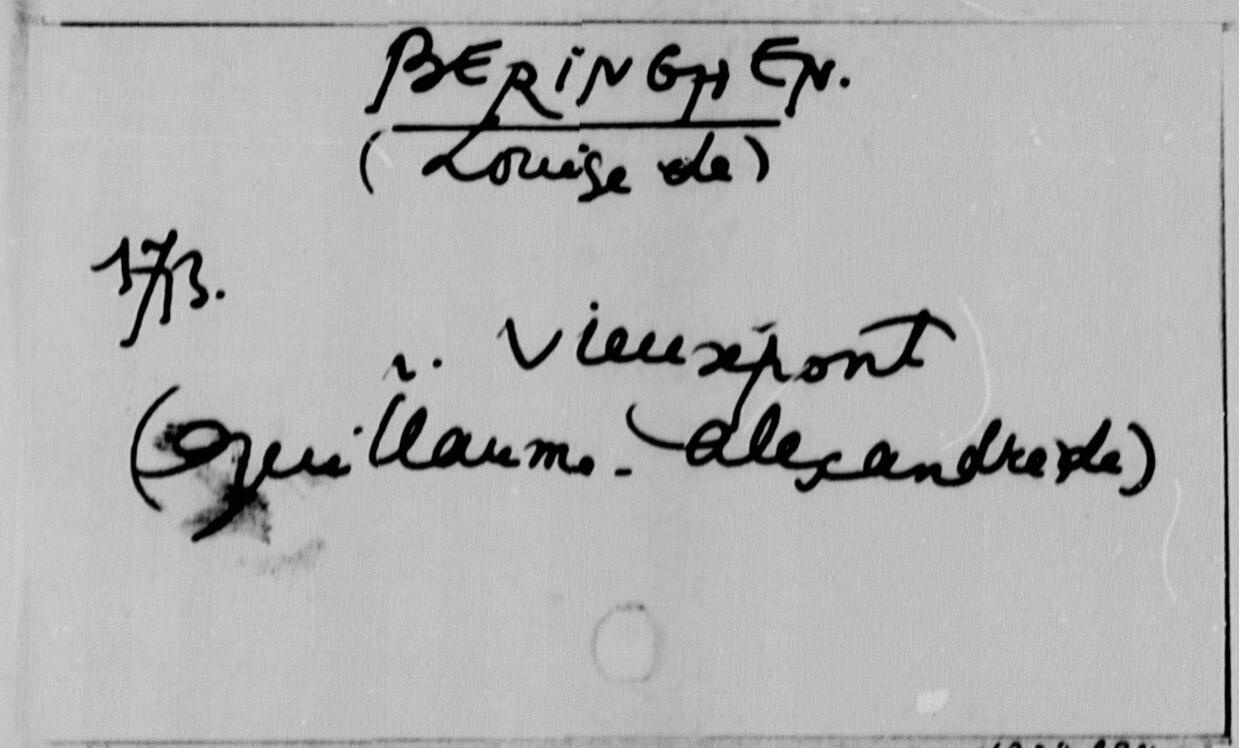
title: BERINGHEN (Louise de)
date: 1713
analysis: Voir : VIEUXPONT (Guillaume-Alexandre de)
